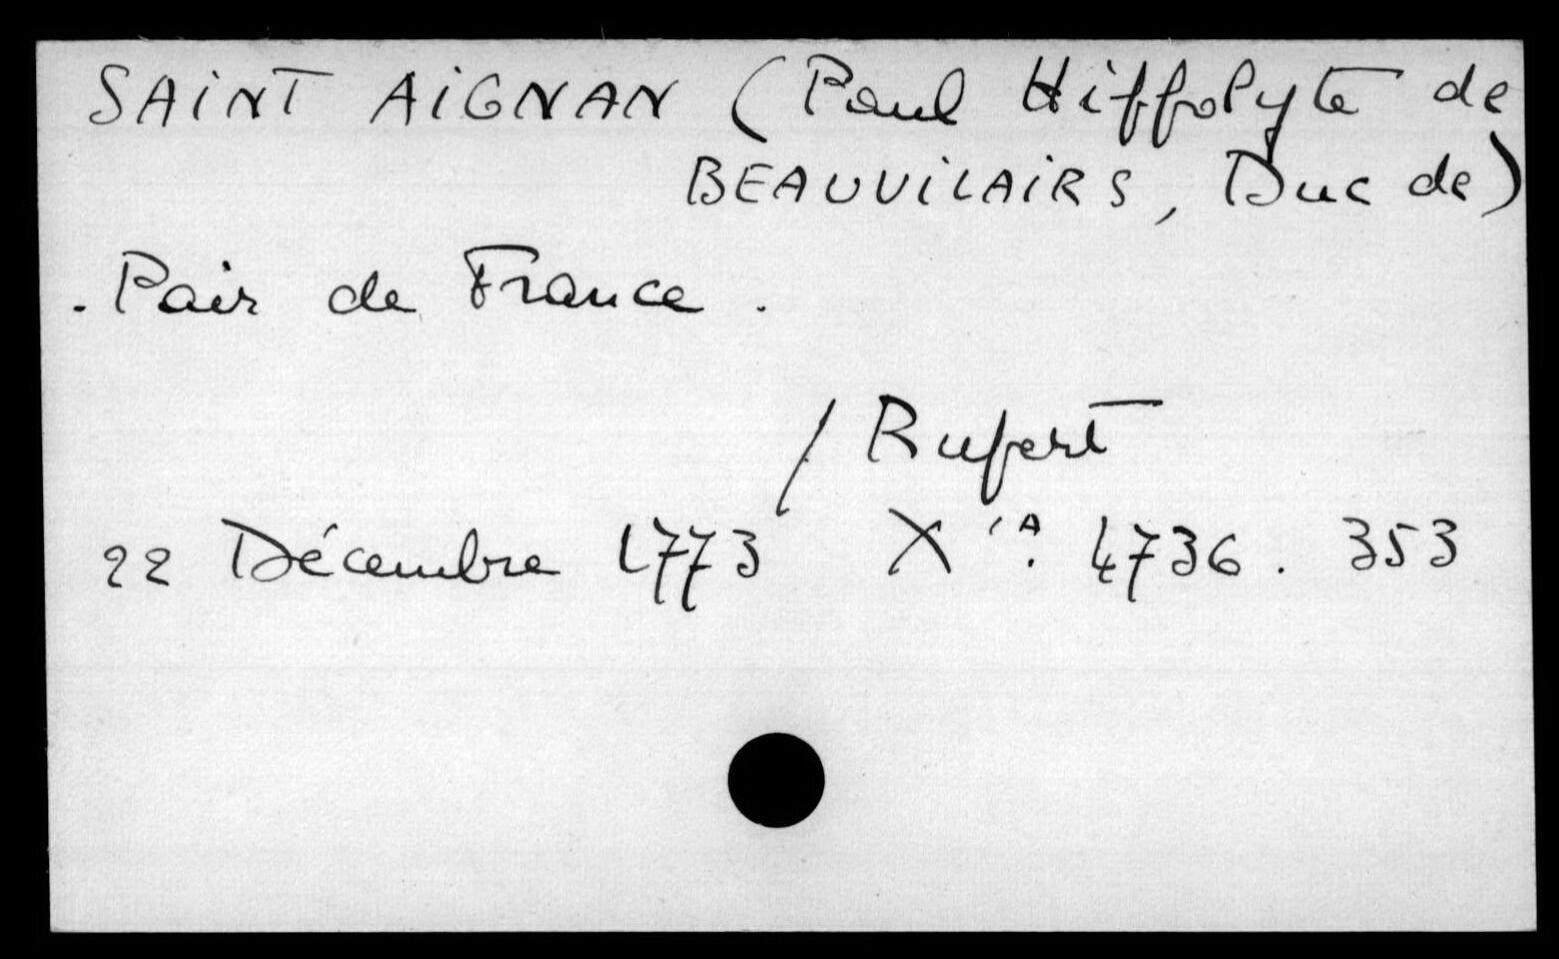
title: SAINT AIGNAN (Paul Hippolyte de BEAUVILAIRS, Duc de) Pair de France.
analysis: Contre Rupert
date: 22 décembre 1773
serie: X1A
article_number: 4736
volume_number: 353
